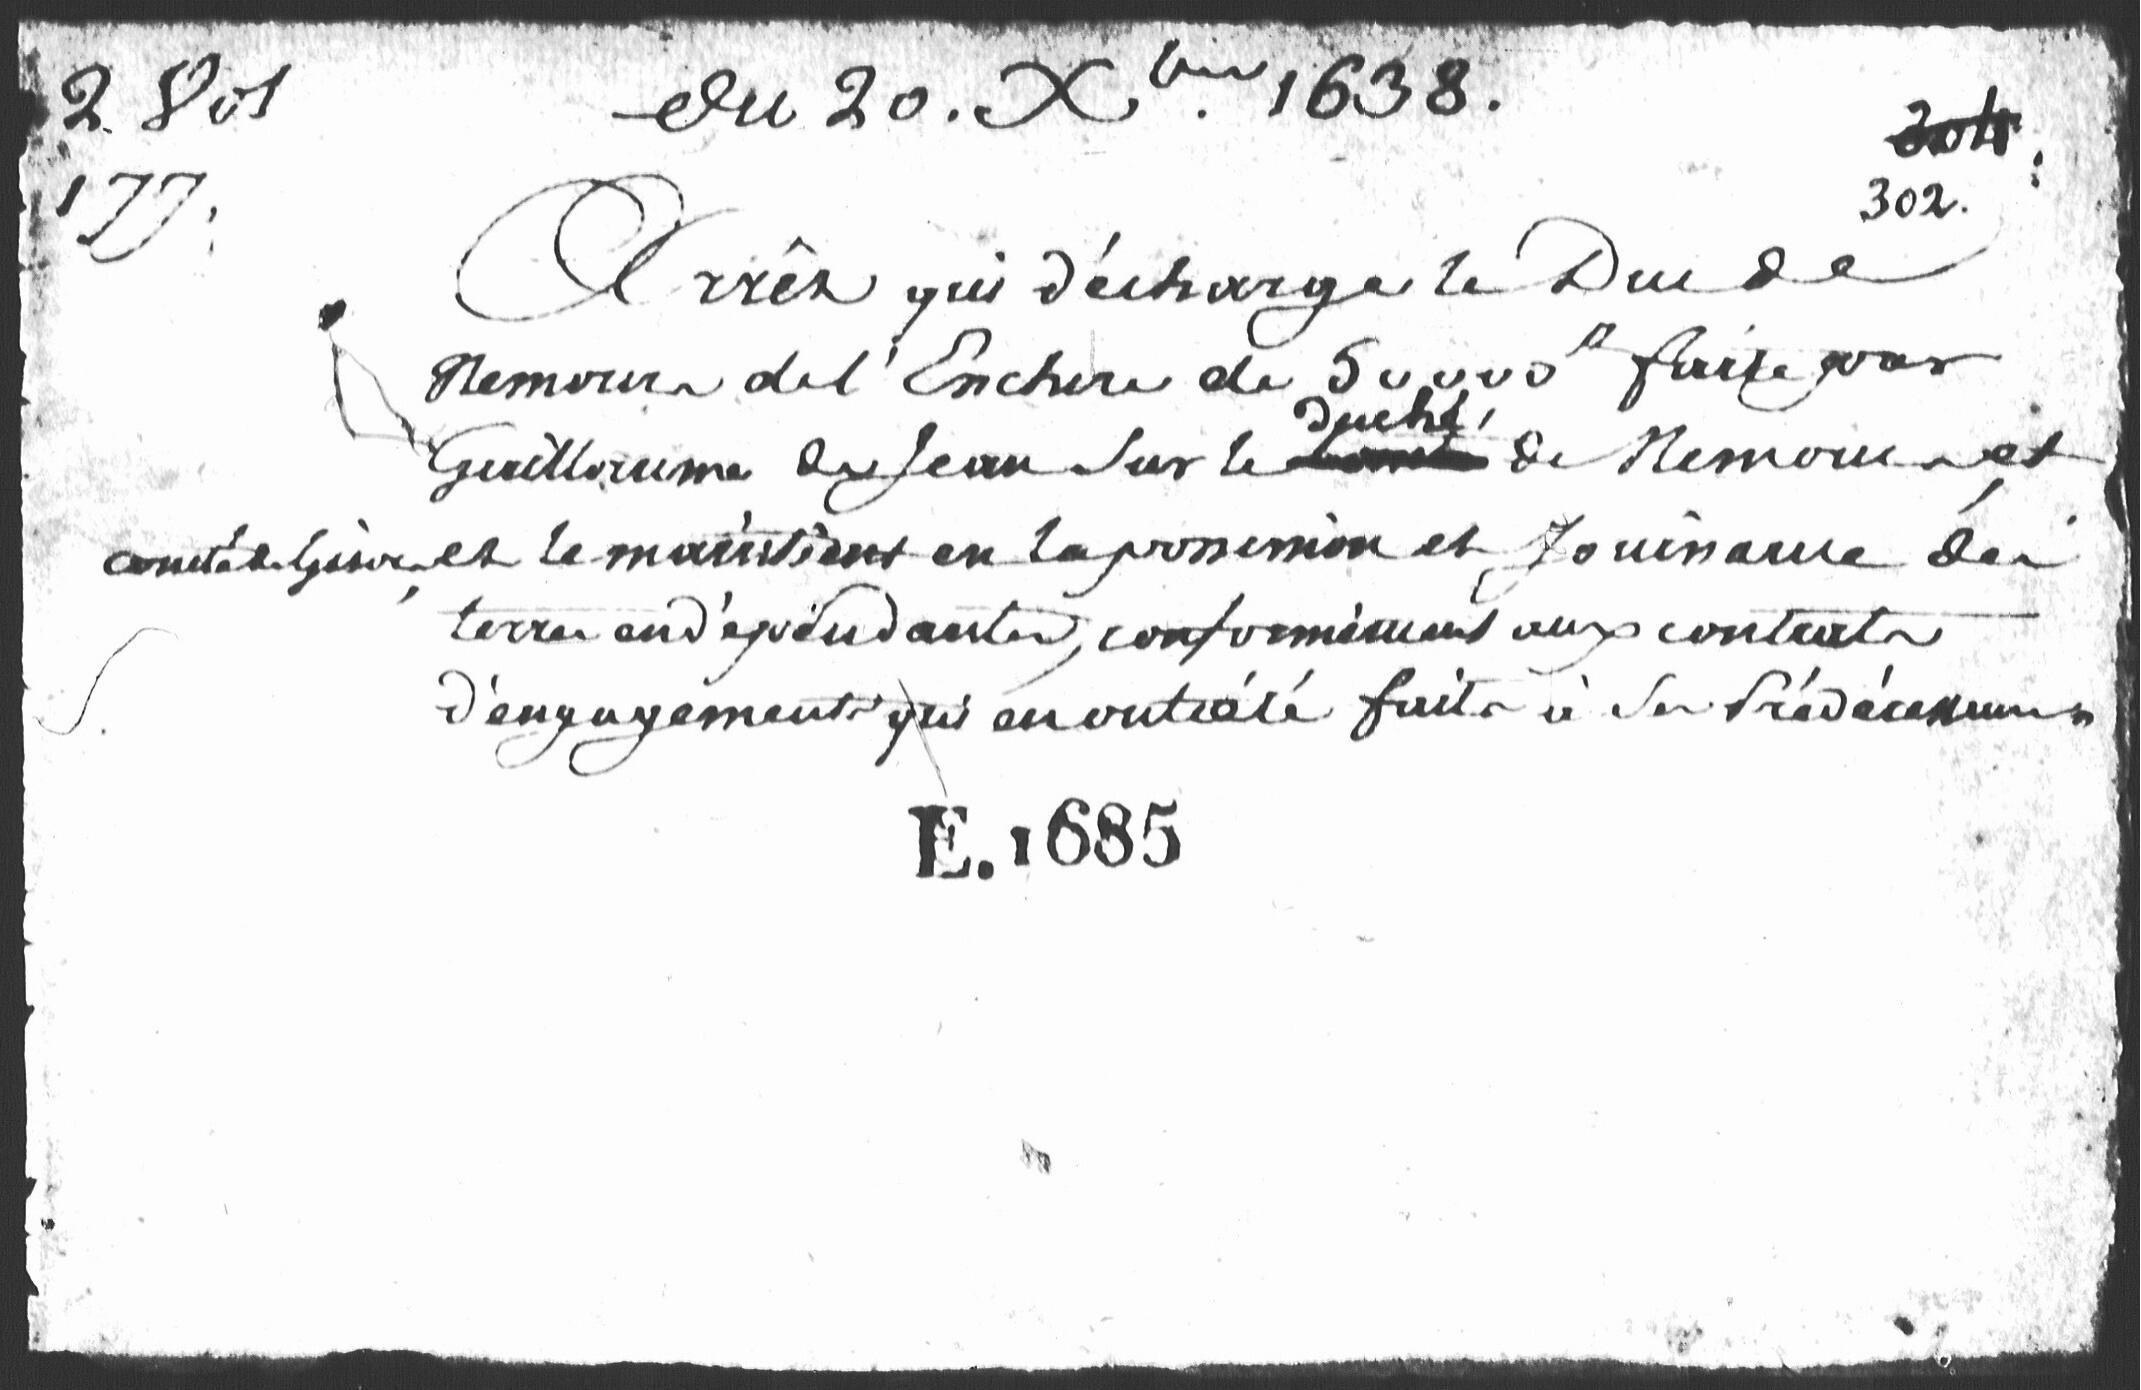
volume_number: n°177
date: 20 décembre 1638
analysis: [304 barré] 302
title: Arrêt qui décharge le Duc de Nemours de l'enchere de 50000 # faite par Guillaume de Jean sur le [comté : mot barré] duché de Nemours et comté de Gisors et le maintient en la possession et jouissance des terres en dépendantes, conformément aux contrats d'engagement qui en ont été faits à ses prédécesseurs.
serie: E
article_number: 1685
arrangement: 2 vol.
